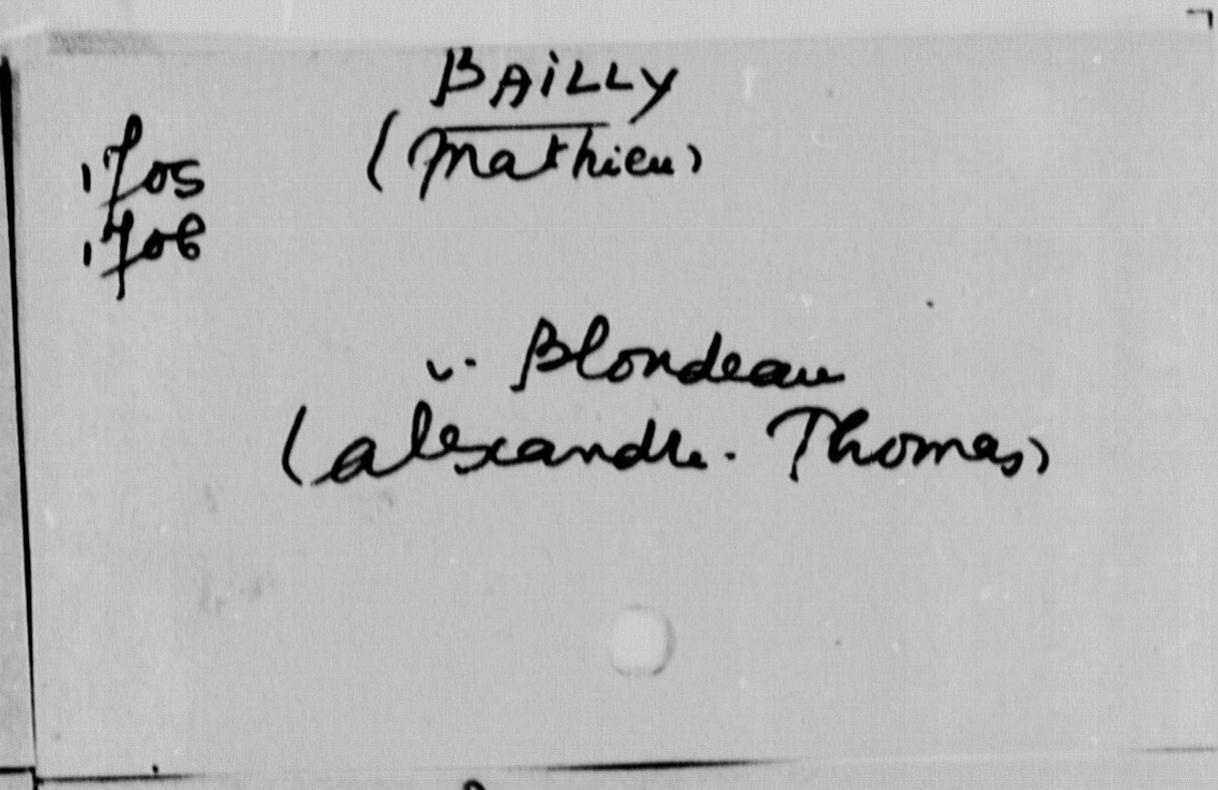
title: BAILLY (Mathieu)
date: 1705-1706
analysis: Voir Blondeau (Alexandre-Thomas)
